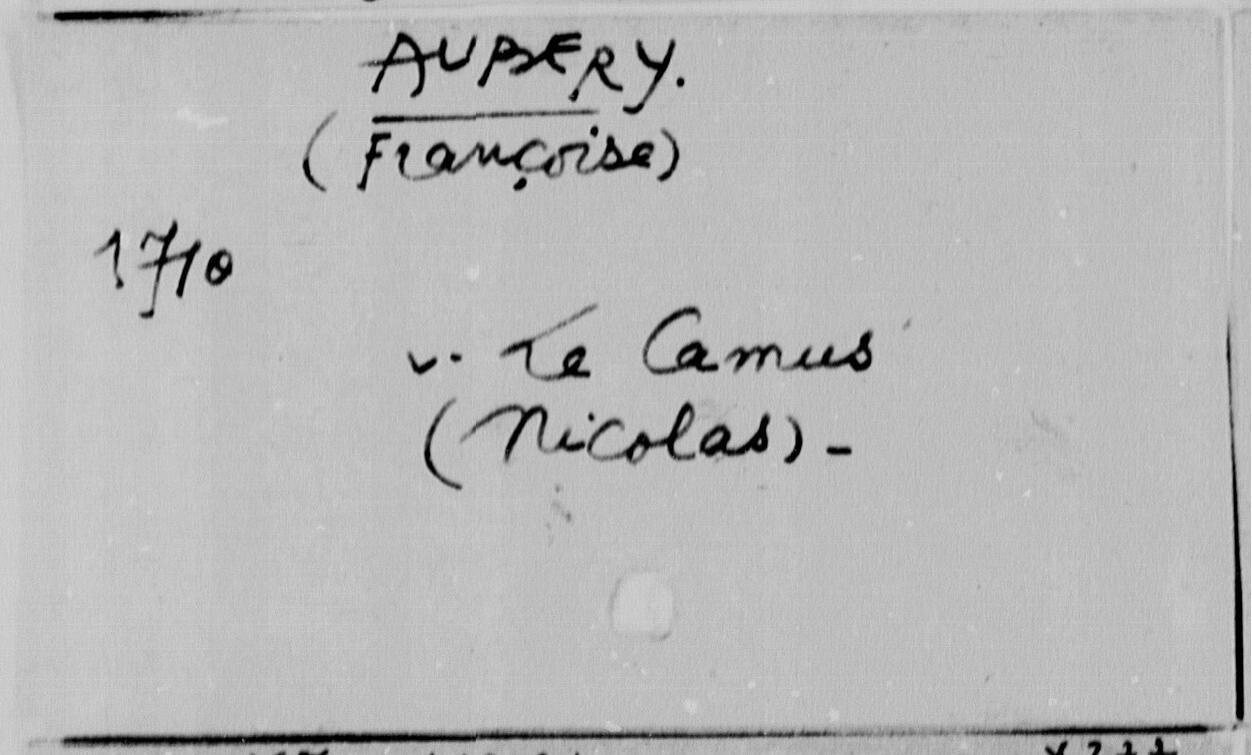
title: AUBERY (Françoise)
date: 1710
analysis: Voir LECAMUS (Nicolas)
